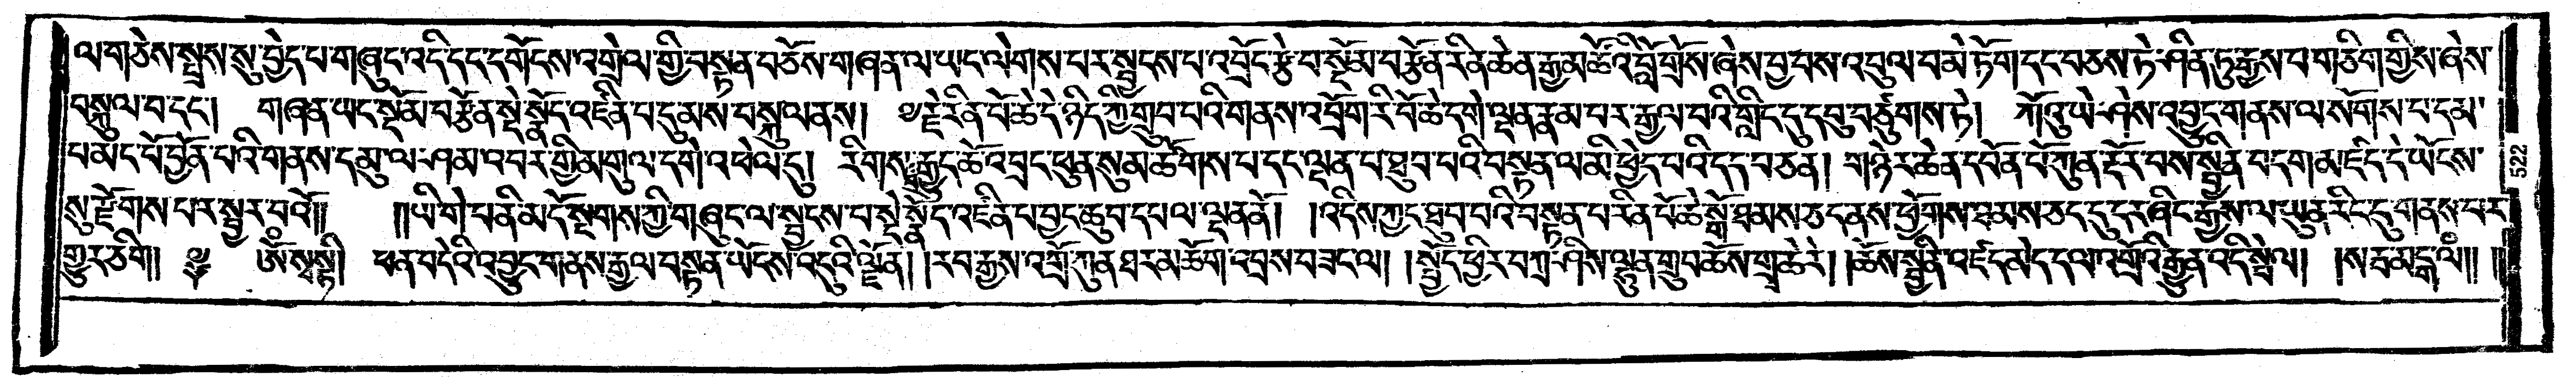ལ་གཅེས་སྤྲས་སུ་བྱེད་པ་གཞུང་འདི་དང་དགོངས་འགྲེལ་གྱི་བསྟན་བཅོས་གཞན་ལ་ཡང་ལེགས་པར་སྦྱངས་པ་འབྲོང་རྩེ་བ་སྔོམ་བརྩོན་རིན་ཆེན་རྒྱ་མཚོའི་བློ་གྲོས་ཞེས་བྱ་བས་འབུལ་བ་མེ་ཏོག་དང་བཅས་ཏེ་ཤིན་ཏུ་རྒྱས་པ་གཅིག་གྱིས་ཞེས་
བསྐུལ་བ་དང་། གཞན་ཡང་སྔོམ་བརྩོན་སྡེ་སྣོད་འཛིན་པ་དུ་མས་བསྐུལ་ནས། ༧རྗེ་རིན་པོ་ཆེ་དེ་ཉིད་ཀྱི་གྲུབ་པའི་གནས་འབྲོག་རི་བོ་ཆེ་དགེ་ལྡན་རྣམ་པར་རྒྱལ་བའི་གླིང་དུ་དབུ་བརྩུགས་ཏེ། ཀོའུ་ཡེ་ཤེས་འབྱུང་གནས་ལ་སོགས་པ་དམ་
པ་མང་པོ་བྱོན་པའི་གནས་དམུ་ལ་ཤམ་འབར་གྱི་མགུལ་དགེ་འཕེལ་དུ། རིགས་བ་རྒྱུད་ཆོ་འབྲང་ཕུན་སུམ་ཚོགས་པ་དང་ལྡན་པ་ཐུབ་པའི་བསྟན་ལ་མི་ཕྱེད་པའི་དད་པ་ཅན། གཉེར་ཆེན་དབོན་པོ་ཀུན་རྡོར་བས་སྦྱིན་བདག་མཛད་དེ་ཡོངས་
སུ་རྫོགས་པར་སྦྱར་བའོ།། །།ཡི་གེ་པ་ནི་མདོ་སྔགས་ཀྱི་གཞུང་ལ་སྦྱངས་པ་སྡེ་སྣོད་འཛིན་པ་བྱང་ཆུབ་དཔལ་ལྡན་ནོ། །འདིས་ཀྱང་ཐུབ་པའི་བསྟན་པ་རིན་པོ་ཆེ་སྒོ་ཐམས་ཅད་ནས་ཕྱོགས་ཐམས་ཅད་དུ་དར་ཞིང་རྒྱས་ལ་ཡུལ་རིང་དུ་གནས་པར་
གྱུར་ཅིག། ༈ ཨོཾ་སྭ་སྟི། ཕན་བདེའི་འབྱུང་གནས་རྒྱལ་བསྟན་ཡོངས་འདུའི་ལྗོན། །རབ་རྒྱས་འགྲོ་ཀུན་ཐར་མཆོག་འབྲས་བཟང་ལ། །སྤྱོད་ཕྱིར་བཀྲ་ཤིས་ལྷུན་གྲུབ་ཆོས་གྲྭ་ཆེ་རེ། །ཆོས་སྦྱིན་འཛད་མེད་དལ་འགྲོའི་རྒྱུན་འདི་སྤེལ། །སརྦ་མངྒ་ལཾ། །